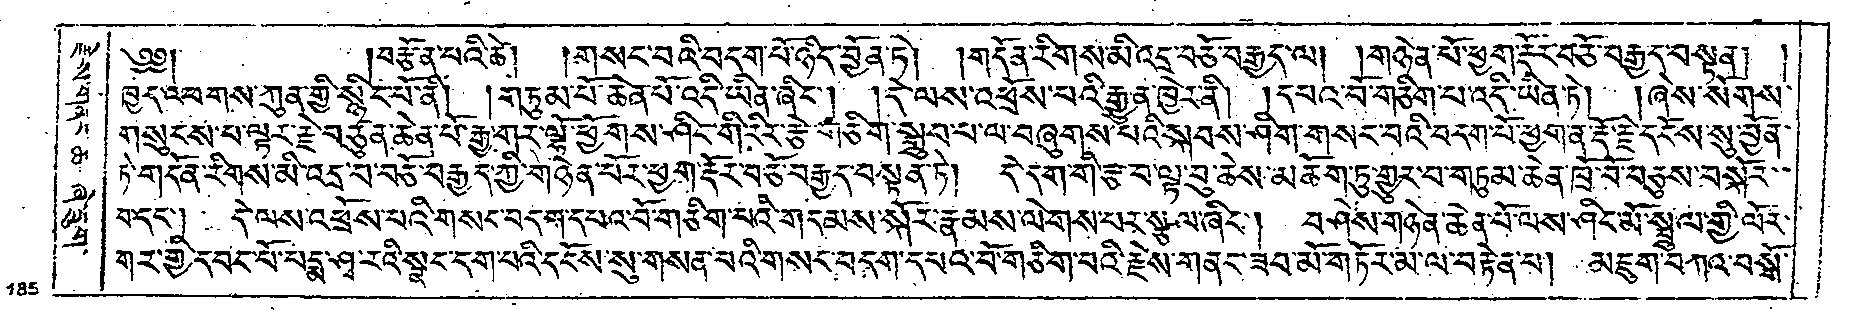༄༅། །བརྩོན་པའི་ཚེ། །གསང་བའི་བདག་པོ་ཉིད་བྱོན་ཏེ། །གདོན་རིགས་མི་འདྲ་བཅོ་བརྒྱད་ལ། །གཉེན་པོ་ཕྱག་རྡོར་བཅོ་བརྒྱད་བསྟན། །
ཁྱད་འཕགས་ཀུན་གྱི་སྙིང་པོ་ནི། །གཏུམ་པོ་ཆེན་པོ་འདི་ཡིན་ཞིང་། །དེ་ལས་འཕྲོས་པའི་རྒྱུན་ཁྱེར་ནི། །དཔའ་བོ་གཅིག་པ་འདི་ཡིན་ཏེ། །ཞེས་སོགས་
གསུངས་པ་ལྟར་རྗེ་བཙུན་ཆེན་པོ་རྒྱ་གར་ལྷོ་ཕྱོགས་ཤིང་གི་རིར་རྩེ་གཅིག་སྒྲུབ་པ་ལ་བཞུགས་པའི་སྐབས་ཤིག་གསང་བའི་བདག་པོ་ཕྱག་ན་རྡོ་རྗེ་དངོས་སུ་བྱོན་
ཏེ་གདོན་རིགས་མི་འདྲ་བ་བཅོ་བརྒྱད་ཀྱི་གཉེན་པོར་ཕྱག་རྡོར་བཅོ་བརྒྱད་བསྟན་ཏེ། དེ་དག་གི་རྩ་བ་ལྟ་བུ་ཆེས་མཆོག་ཏུ་གྱུར་པ་གཏུམ་ཆེན་ཁྲོ་བོ་བཅུས་བསྐོར་
བ་དང་། དེ་ལས་འཕྲོས་པའི་གསང་བདག་དཔའ་བོ་གཅིག་པའི་གདམས་སྐོར་རྣམས་ལེགས་པར་སྩལ་ཞིང་། བཤེས་གཉེན་ཆེན་པོ་ལས་ཤིང་མོ་སྤྲུལ་གྱི་ལོར་
གར་གྱི་དབང་པོ་པདམ་ཤྭ་རའི་སྣང་དག་པའི་དངོས་སུ་གསན་པའི་གསང་བདག་དཔའ་བོ་གཅིག་པའི་རྗེས་གནང་ཟབ་མོ་གཏོར་མ་ལ་བརྟེན་པ། མཇུག་བཀའ་བསྒོ་